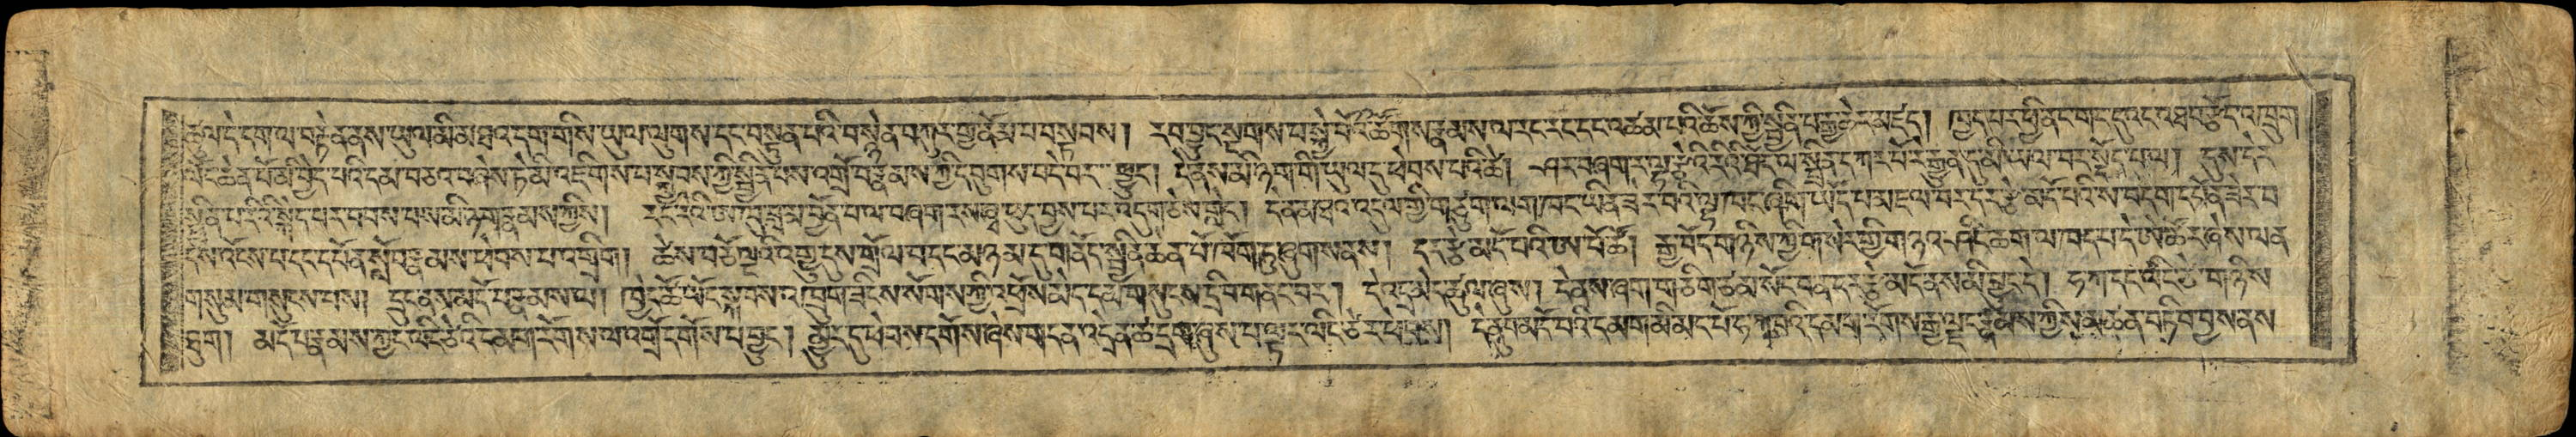ཚུལ་དེ་དག་ལ་བརྟེན་ནས་ཡུལ་མི་མཐའ་དག་གིས་ཡུལ་ལུགས་དང་བསྟུན་པའི་བསྙེན་བཀུར་གྱ་ནོམ་པ་བསྟབས། རབ་བྱུང་སྔགས་བསྐྱེ་བོཨཱྀ་ཚོགས་རྣམས་ལ་རང་རང་དང་འཚམ་པའི་ཆོས་ཀྱི་སྦྱིན་པ་རྒྱ་ཆེར་མཛད། ཁྱད་པར་ཕྱི་ནང་གང་དུའང་འཐབ་རྩོད་འཁྲུག་
ལོང་ཆེན་པོ་མི་བྱེད་པའི་དམ་བཅའ་བཞེས་ཏེ་མི་འཇིགས་པ་སྐྱབས་ཀྱི་སྦྱིན་པས་འགྲོ་བ་རྣམས་ཀྱི་དབུགས་བདེ་བར་ཕྱུང་། དེ་ནས་མི་ཉག་གི་ཡུལ་དུ་ཕེབས་པའི་ཚེ། ཤར་བཞག་ར་ལྷ་རྩེའི་རིའི་ཐང་ལ་སྤྲིན་དཀར་པོ་རེ་རྒྱུན་དུ་མི་ཡལ་བར་སྡོད་པ་ལ། དུས་དེར་
སྤྲིན་པ་རིའི་སྐེད་པར་བབས་པས་མི་ཉག་རྣམས་ཀྱིས། རང་རེའི་ཨ་ཁུ་བླ་མ་བྱོན་པ་ལ་བཞག་རས་ཞྭ་ཕུད་བྱས་པར་འདུག་ཅེས་གླེང་། ད་ན་མཐའ་འདུལ་གྱི་གཅུག་ལག་ཁང་ཡིན་ཟེར་བའི་ལྷ་ཁང་ཞིག་ཡོད་པ་མཇལ་བར་དར་རྩེ་མདོ་པའི་ས་བདག་དཔོན་ཟེར་བ་
དེས་འོངས་པ་དང་དཔོན་སློབ་རྣམས་ཕེབས་པ་འགྲིག། ཚེས་བཅོ་ལྔའི་འགྱུར་དུས་གྲོལ་བ་དང་མཉམ་དུ་གནོད་སྦྱིན་ཆེན་པོ་ཁོག་ཏུ་ཞུགས་ནས། དུར་རྩེ་མདོ་པའི་ཨ་པོ་ཚོ། རྒྱ་བོད་གཉིས་ཀྱི་གསེར་གྱི་གཉའ་ཤིང་ཆག་ལ་ཁད་པ་དེ་ཨེ་ཚོར་ཞེས་ལན་
གསུམ་གསུངས་པས། དྲུང་ནས་མདོ་པ་རྣམས་ལ། ཁྱེད་ཚོ་ཡོང་སྐབས་འཁྲུག་ཟིངས་སོགས་ཀྱི་འཕྲོས་མེད་དམ་གསུངས་དྲི་བ་གནང་བར། དེ་འདྲ་མེད་ཚུལ་ཞུས། དེ་ནས་ཞག་གཅིག་ཙམ་སོང་བ་ན་དར་རྩེ་མདོ་ནས་མི་བྱུང་དེ། ཧ་ཀ་དང་ལིང་ཙེ་གཉིས་
ཐུག། མདོ་བ་རྣམས་ཀྱང་ལིང་ཙེའི་དམག་རོགས་ལ་འགྲོ་དགོས་པ་བྱུང་། མྱུང་དུ་ཕེབས་དགོས་ཞེས་གདན་འདྲེན་ཚ་དྲག་ཞུས་པ་ལྟར་ལིང་ཙེར་ཕེབས། དེ་ནུབ་མདོ་པའི་དམག་མི་མང་པོ་ཧ་ཀ་བའི་དམག་རོགས་རྒྱ་ལྗང་རྣམས་ཀྱིས་མཆན་བཏིབ་བྱས་ནས་